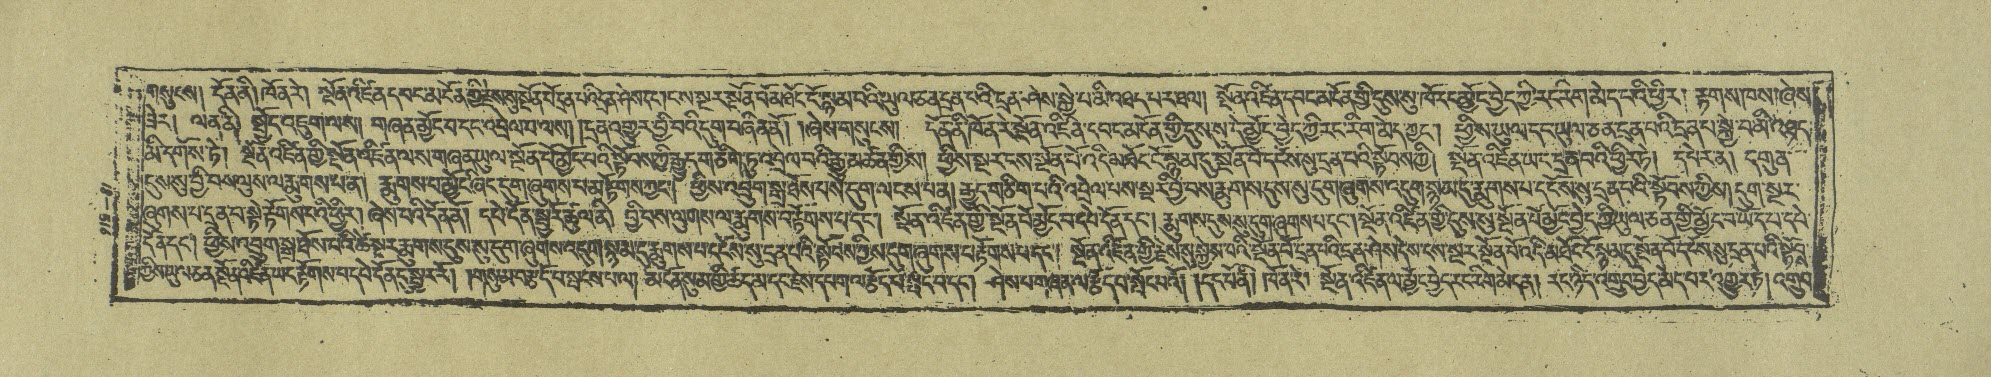གསུངས། དོན་ནི། ཁོ་ན་རེ། སྔོན་འཛིན་དབང་མངོན་གྱི་རྗེས་སུ་སྔོན་པོ་དྲན་པའི་དྲན་ཤེས་དང་། ངས་སྔར་སྔོན་པོ་མཐོང་ངོ་སྙམ་པའི་ཡུལ་ཅན་དྲན་པའི་དྲན་ཤེས་སྐྱེ་བ་མི་འཐད་པར་ཐལ། སྔོན་འཛིན་དབང་མངོན་གྱི་དུས་སུ་ཁོ་རང་མྱོང་བྱེད་ཀྱི་རང་རིག་མེད་པའི་ཕྱིར། རྟགས་ཁས། ཞེས་
ཟེར། ལན་ནི། སྤྱོད་འཇུག་ལས། གཞན་མྱོང་བ་དང་འབྲལ་བ་ལས། །དྲན་འགྱུར་བྱི་བའི་དུག་བཞིན་ནོ། །ཞེས་གསུངས། དོན་ནི་ཁོ་ན་རེ་སྔོན་འཛིན་དབང་མངོན་གྱི་དུས་སུ་དེ་མྱོང་བྱེད་ཀྱི་རང་རིག་མེད་ཀྱང་། ཕྱིས་ཡུལ་དང་ཡུལ་ཅན་དྲན་པའི་དྲན་པ་སྐྱེ་བ་མི་འཐད་
མི་དགོས་ཏེ། སྔོན་འཛིན་གྱི་སྔོན་འཛིན་ལས་གཞན་ཡུལ་སྔོན་པོ་མྱོང་བའི་སྟོབས་ཀྱི་རྒྱུད་གཅིག་ཏུ་འབྲེལ་བའི་རྒྱུ་མཚན་གྱིས། ཕྱིས་སྔར་ངས་སྔོན་པོ་འདི་མཐོང་ངོ་སྙམ་དུ་སྔོན་པོ་དངོས་སུ་དྲན་པའི་སྟོབས་ཀྱི། སྔོན་འཛིན་ཡང་དྲན་པའི་ཕྱིར་ཏེ། དཔེར་ན། དགུན་
དུས་སུ་བྱི་བས་ལུས་ལ་རྨུགས་པ་ན། རྨུགས་པ་མྱོང་ཞིང་དུག་ཞུགས་པ་མ་རྟོགས་ཀྱང་། ཕྱིས་འབྲུག་སྒྲ་ཐོས་པས་དུག་ལངས་པ་ན། རྒྱུད་གཅིག་པའི་འབྲེལ་པས་སྔར་བྱི་བས་རྨུགས་དུས་སུ་དུག་ཞུགས་འདུག་སྙམ་དུ་རྨུགས་པ་དངོས་སུ་དྲན་པའི་སྟོབས་ཀྱིས། དུག་སྔར་
ཞུགས་པ་དྲན་པ་སྟེ་རྟོགས་པའི་ཕྱིར། ཞེས་པའི་དོན་ནོ། དཔེ་དོན་སྦྱོར་ཚུལ་ནི། བྱི་བས་ལུགས་ལ་རྨུགས་པ་རྟོགས་པ་དང་། སྔོན་འཛིན་གྱི་སྔོན་པོ་མྱོང་བ་དཔེ་དོན་དང་། རྨུགས་དུས་སུ་དུག་ཞུགས་པ་དང་། སྔོན་འཛིན་གྱི་དུས་སུ་སྔོན་པོ་མྱོང་བྱེད་ཀྱི་ཡུལ་ཅན་གྱི་མྱོང་བ་ཡོད་པ་དཔེ་
དོན་དང་། ཕྱིས་འབྲུག་སྒྲ་ཐོས་པའི་ཚེ་སྔར་རྨུགས་དུས་སུ་དུག་ཞུགས་འདུག་སྙམ་དུ་རྨུགས་པ་དངོས་སུ་དྲན་པའི་སྟོབས་ཀྱིས་དུག་ཞུགས་པ་རྟོགས་པ་དང་། སྔོན་འཛིན་གྱི་རྗེས་སུ་སྐྱེས་པའི་སྔོན་པོ་དྲན་པའི་དྲན་ཤེས་དེས་ངས་སྔར་སྔོན་པོ་འདི་མཐོང་ངོ་སྙམ་དུ་སྔོན་པོ་དངོས་སུ་དྲན་པའི་སྟོབས་
ཀྱིས་ཡུལ་ཅན་སྔོན་འཛིན་ཡང་རྟོགས་པ་དཔེ་དོན་དུ་སྦྱར་རོ། །གསུམ་པ་རྩོད་པ་སྤངས་པ་ལ། མངོན་སུམ་གྱི་ཚད་མ་དང་རྗེས་དཔག་ལ་རྩོད་པ་སྤང་བ་དང་། ཤེས་པ་གཞན་ལ་རྩོད་པ་སྤོང་བའོ། །དང་པོ་ནི། ཁོ་ན་རེ། སྔོན་འཛིན་ལ་མྱོང་བྱེད་རང་རིག་མེད་ན། རང་ཉིད་འགྲུབ་བྱེད་མེད་པར་འགྱུར་ཏེ། འགྲུབ་